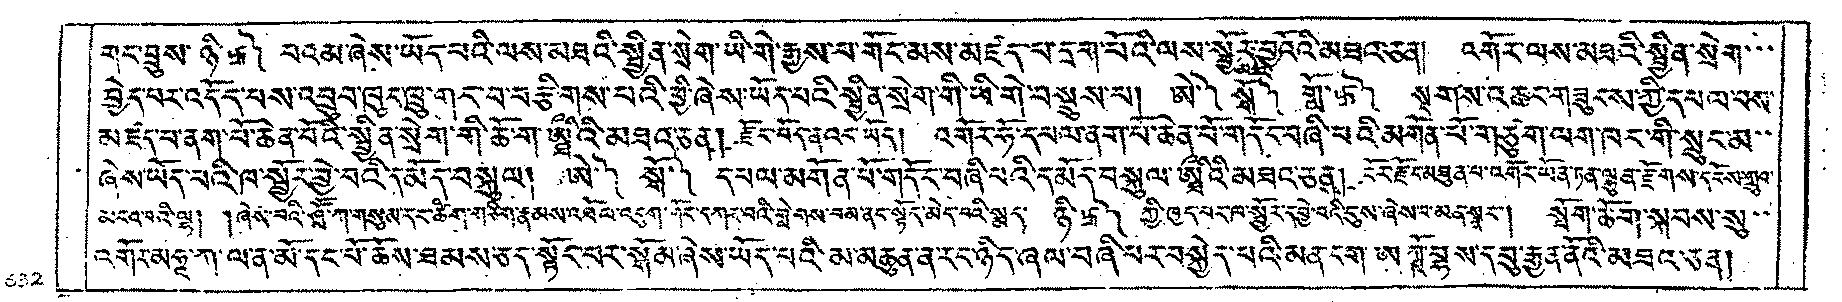གང་བྲུས་ཉི~྾?་པའམ་ཞེས་ཡོད་པའི་ལས་མཐའི་སྦྱིན་སྲེག་ཡི་གེ་རྒྱས་པ་གོང་མས་མཛད་པ་དྲག་པོའི་ལས་སྦྱོར་མཐར་བྱའོའི་མཐའ་ཅན། འགོར་ལས་མཐའི་སྦྱིན་སྲེག་
བྱེད་པར་འདོད་པས་འབྲུབ་ཁུང་ཁྲུ་གང་བ་བརྩིགས་པའི་ཕྱི་ཞེས་ཡོད་པའི་སྦྱིན་སྲེག་གི་ཡི་གེ་བསྡུས་པ། ཨ྄ེ་སྒ྄ོ་གློ~྾?་སྔགས་འཆང་གཟུངས་ཀྱི་དཔལ་བས་
མཛད་པ་ནག་པོ་ཆེན་པོའི་སྦྱིན་སྲེག་གི་ཆོ་ག་ཨྀཊཿཨྀའི་མཐའ་ཅན། རྫོང་པོད་ནའང་ཡོད།  འགོར་ཧོ་དཔལ་ནག་པོ་ཆེན་པོ་གདོང་བཞི་པའི་མགོན་པོ་གཙུག་ལག་ཁང་གི་སྲུང་མ་
ཞེས་ཡོད་པའི་ཁ་སྦྱོར་བྱེ་པའི་དམོད་བསྐུལ། ཨ྄ེ་སྒ྄ོ་དཔལ་མགོན་པོ་གདོང་བཞི་པའི་དམོད་བསྐུལ་ཨྀཊཿཨིའི་མཐའ་ཅན། ངོར་རྫོང་མཐུན་པ་འགོར་ཡོན་ཏན་ལྷུན་རྫོགས་དངོས་གྲུབ་
མངའ་བའི་ལྷ། །ཞེས་པའི་ཤླཽ་ཀ་གསུམ་དང་ཚིག་གཅིག་རྣམས་འཐོལ་འདུག་གོང་དཀར་བའི་གླེགས་བམ་ནང་སྟོད་མེད་པའི་སྨད་ཉི~྾?་ཀྱི་ཁྱད་པར་ཁ་སྦྱོར་དབྱེ་བའི་དུས་ཞེས་པ་མན་སྣང་།  སྤོག་ཆོག་སྐབས་སུ་
འགོར་མཧཱ་ཀ་ལ་ན་མོ་དང་པོ་ཆོས་ཐམས་ཅད་སྟོང་པར་སྒོམ་ཞེས་ཡོད་པའི་མ་མཚུན་ན་རང་ཉིད་ཞལ་བཞི་པར་བསྐྱེད་པའི་མན་ངག་ཨཀྵོ་བྷས་དབུ་རྒྱན་ནོའི་མཐའ་ཅན།